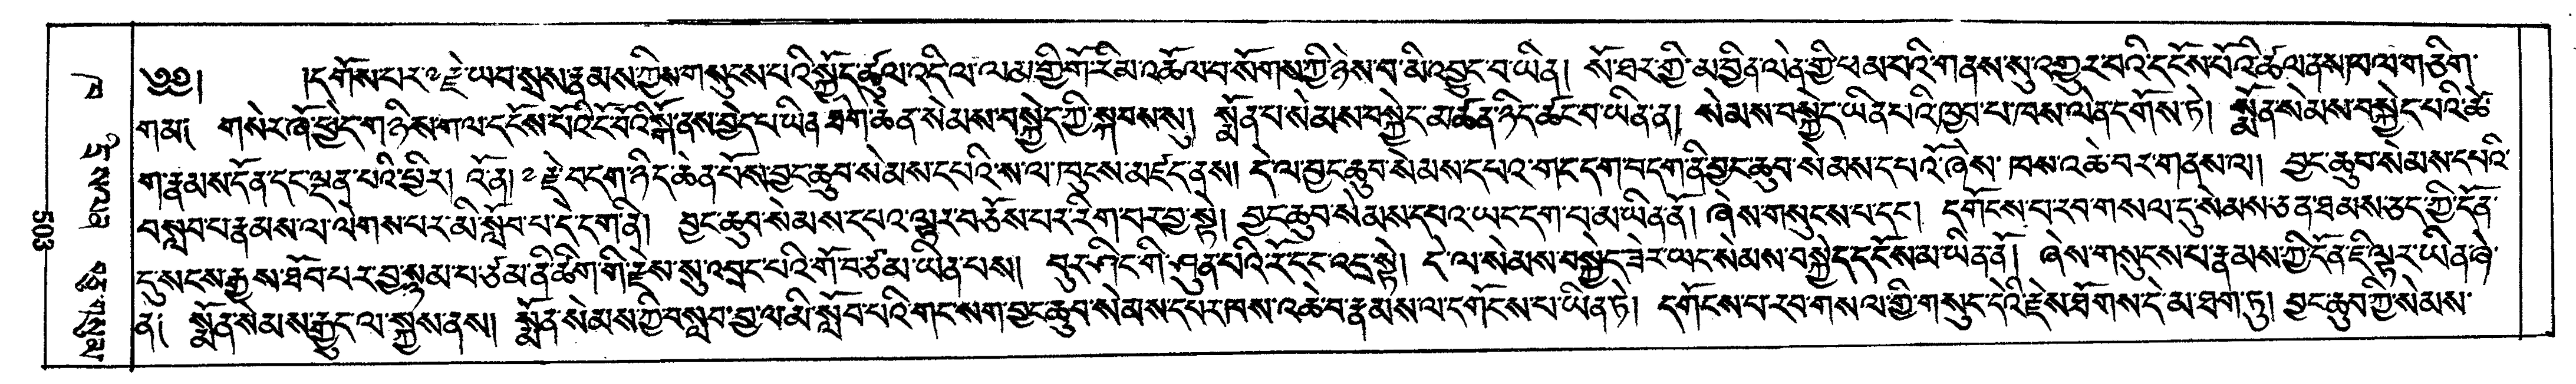༄༅། །དགོས་པར་༧་རྗེ་ཡབ་སྲས་རྣམས་ཀྱིས་གསུངས་པའི་སྐྱོང་ཚུལ་འདི་ལ་ལམ་གྱི་གོ་རིམ་འཆོལ་བ་སོགས་ཀྱི་ཉེས་པ་མི་འབྱུང་བ་ཡིན། སོ་ཐར་གྱི་མ་བྱིན་ལེན་གྱི་ཕམ་པའི་གནས་སུ་འགྱུར་བའི་དངོས་པོའི་ཚད་ནས་ཁལ་གཅིག་
གམ༑ གསེར་ཞོ་ཕྱེད་གཉིས་ཀ་ལ་དངོས་པོའི་ངོ་པོའི་སྒོ་ནས་བྱེད་པ་ཡིན། ཐེག་ཆེན་སེམས་བསྐྱེད་ཀྱི་སྐབས་སུ། སྨོན་པ་སེམས་བསྐྱེད་མཚན་ཉིད་ཚང་བ་ཡིན་ན། སེམས་བསྐྱེད་ཡིན་པའི་ཁྱབ་པ་ཁས་ལེན་དགོས་ཏེ། སྨོན་སེམས་བསྐྱེད་པའི་ཆོ་
ག་རྣམས་དོན་དང་ལྡན་པའི་ཕྱིར། འོ་ན། ༧་རྗེ་བདག་ཉིད་ཆེན་པོས་བྱང་ཆུབ་སེམས་དཔའི་ས་ལ་ཁུངས་མཛད་ནས། དེ་ལ་བྱང་ཆུབ་སེམས་དཔའ་གང་དག་བདག་ནི་བྱང་ཆུབ་སེམས་དཔའོ་ཞེས་ཁས་འཆེ་བར་གནས་ལ། བྱང་ཆུབ་སེམས་དཔའི་
བསླབ་པ་རྣམས་ལ་ལེགས་པར་མི་སློབ་པ་དེ་དག་ནི། བྱང་ཆུབ་སེམས་དཔའ་ལྟར་བཅོས་པར་རིག་པར་བྱ་སྟེ། བྱང་ཆུབ་སེམས་དཔའ་ཡང་དག་པ་མ་ཡིན་ནོ། ཞེས་གསུངས་པ་དང་། དགོངས་པ་རབ་གསལ་དུ་སེམས་ཅན་ཐམས་ཅད་ཀྱི་དོན་
དུ་སངས་རྒྱས་ཐོབ་པར་བྱ་སྙམ་པ་ཙམ་ནི་ཚིག་གི་རྗེས་སུ་འབྲང་བའི་གོ་བ་ཙམ་ཡིན་པས། བུར་ཤིང་གི་ཤུན་པའི་རོ་དང་འདྲ་སྟེ། དེ་ལ་སེམས་བསྐྱེད་ཟེར་ཡང་སེམས་བསྐྱེད་དངོས་མ་ཡིན་ནོ། ཞེས་གསུངས་པ་རྣམས་ཀྱི་དོན་ཇི་ལྟར་ཡིན་ཞེ་
ན༑ སྨོན་སེམས་རྒྱུད་ལ་སྐྱེས་ནས། སྨོན་སེམས་ཀྱི་བསླབ་བྱ་ལ་མི་སློབ་པའི་གང་ཟག་བྱང་ཆུབ་སེམས་དཔར་ཁས་འཚེ་བ་རྣམས་ལ་དགོངས་པ་ཡིན་ཏེ། དགོངས་པ་རབ་གསལ་གྱི་གསུང་དེའི་རྗེས་ཐོགས་དེ་མ་ཐག་ཏུ། བྱང་ཆུབ་ཀྱི་སེམས་